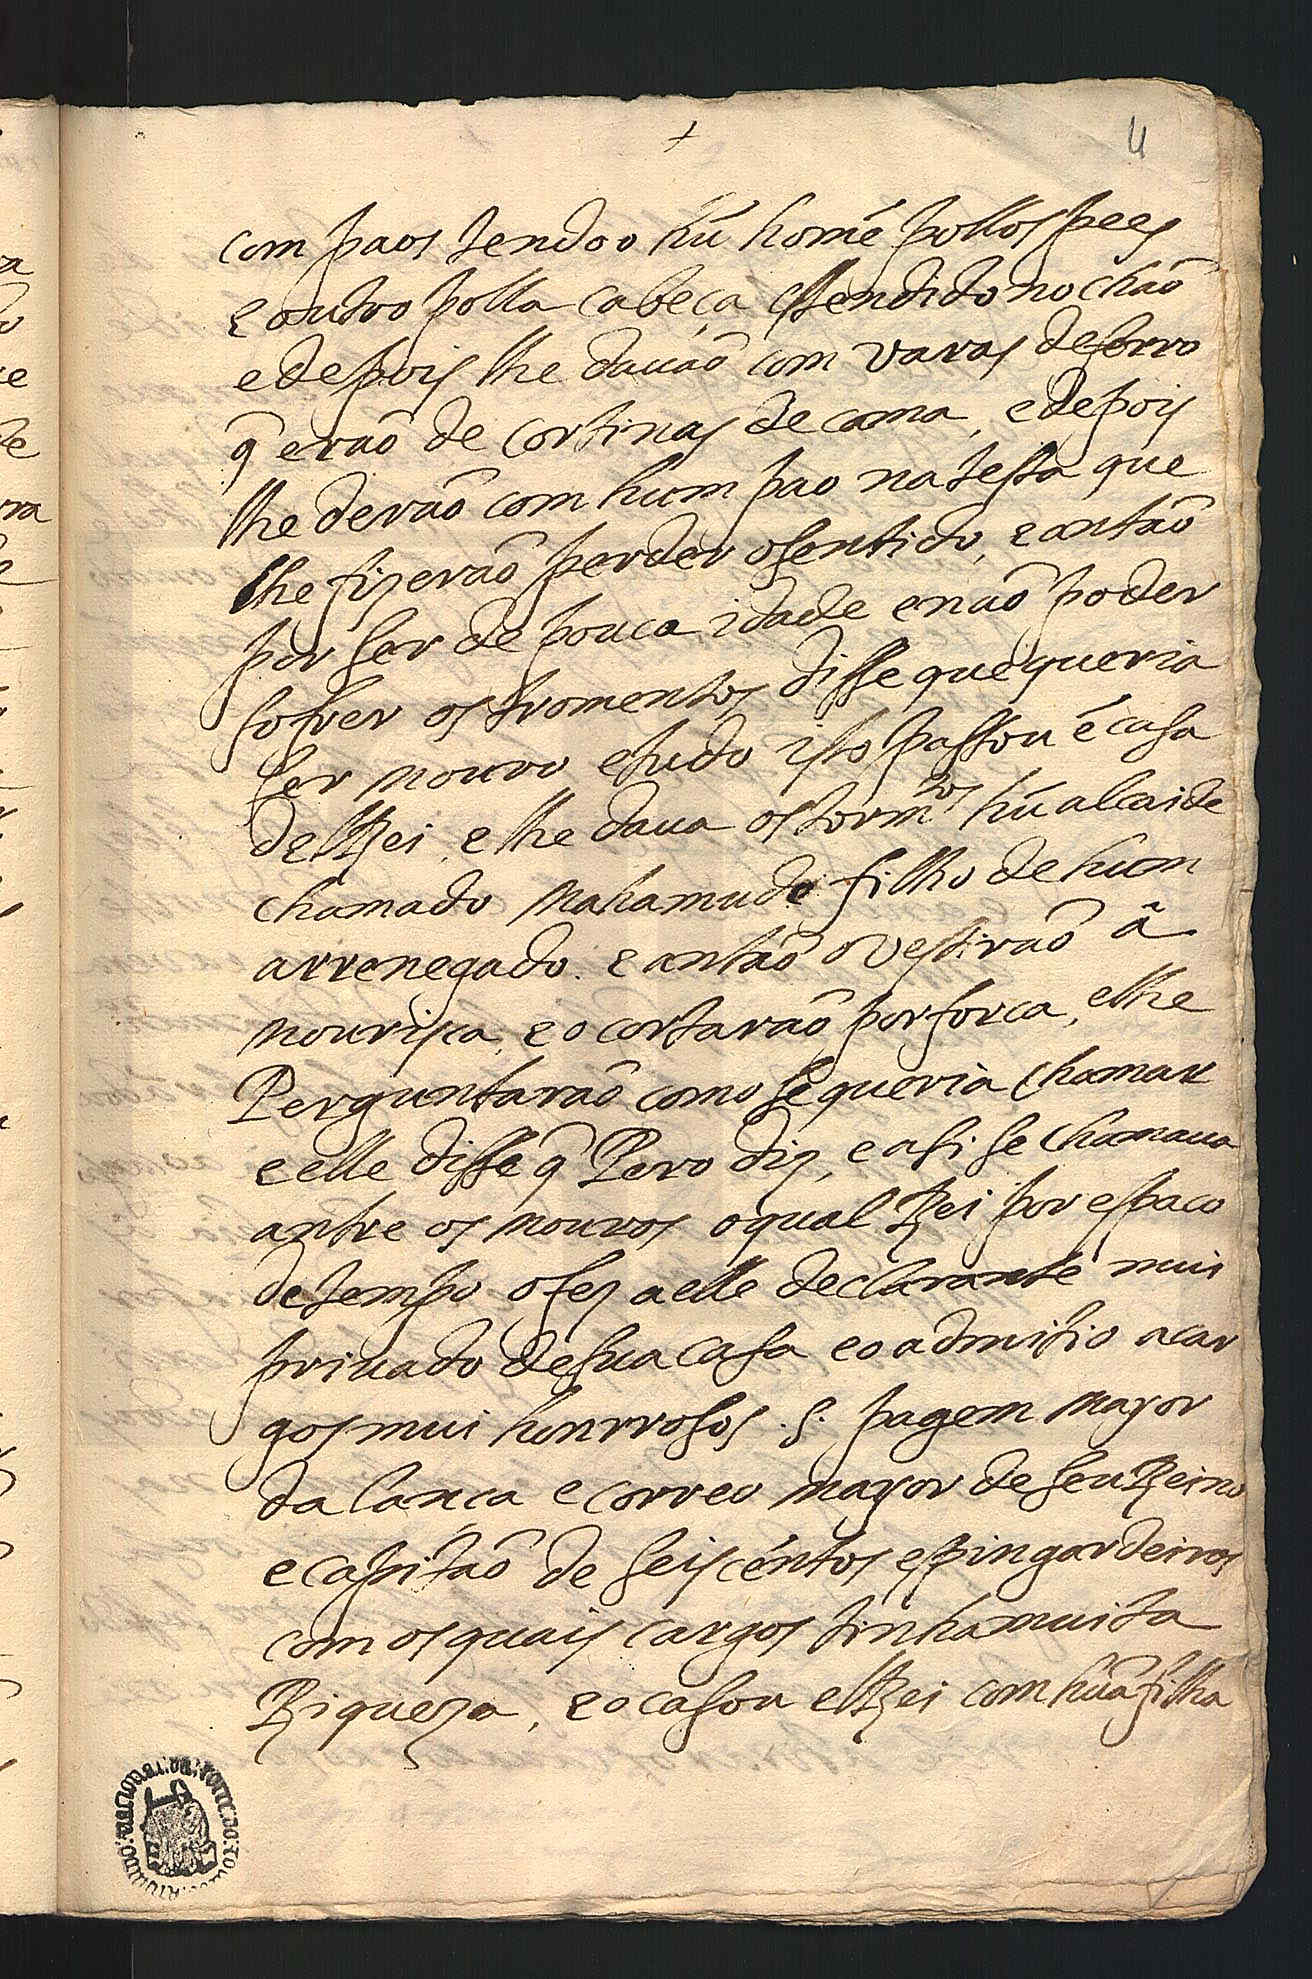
com paos tendoo hū homē pollos pees
E outro polla cabeça estendido no chaõ
e depois lhe dauaõ com varas de ferro
q̄ eraõ de cortinas de cama, e depois
lhe deraõ com hum pao na testa que
lhe fizeraõ perder o sentido, e antaõ
por ser de pouca idade e naõ poder
sofrer os tromentos disse que queria
ser mouro e tudo isto passou ē casa
del Rei e lhe daua os tormtos hū alcaide
chamado Mahamude filho de hum
arrenegado. E antaõ o vestiraõ â
mourisca, e o cortaraõ por força, e lhe
Perguntarão como se queria chamar
e elle disse q̄ Pero diz, e asi se chamaua
antre os mouros o qual Rei por espaço
de tempo o fez a elle declarante mui
priuado de sua casa e o admitio a car
gos mui honrrosos .s. pagem Mayor
da lança e correo mayor de seu Reino
e capitaõ de seiscentos espingardeiros
com os quais cargos tinha muita
Riqueza, e o casou el Rei com huā filha
